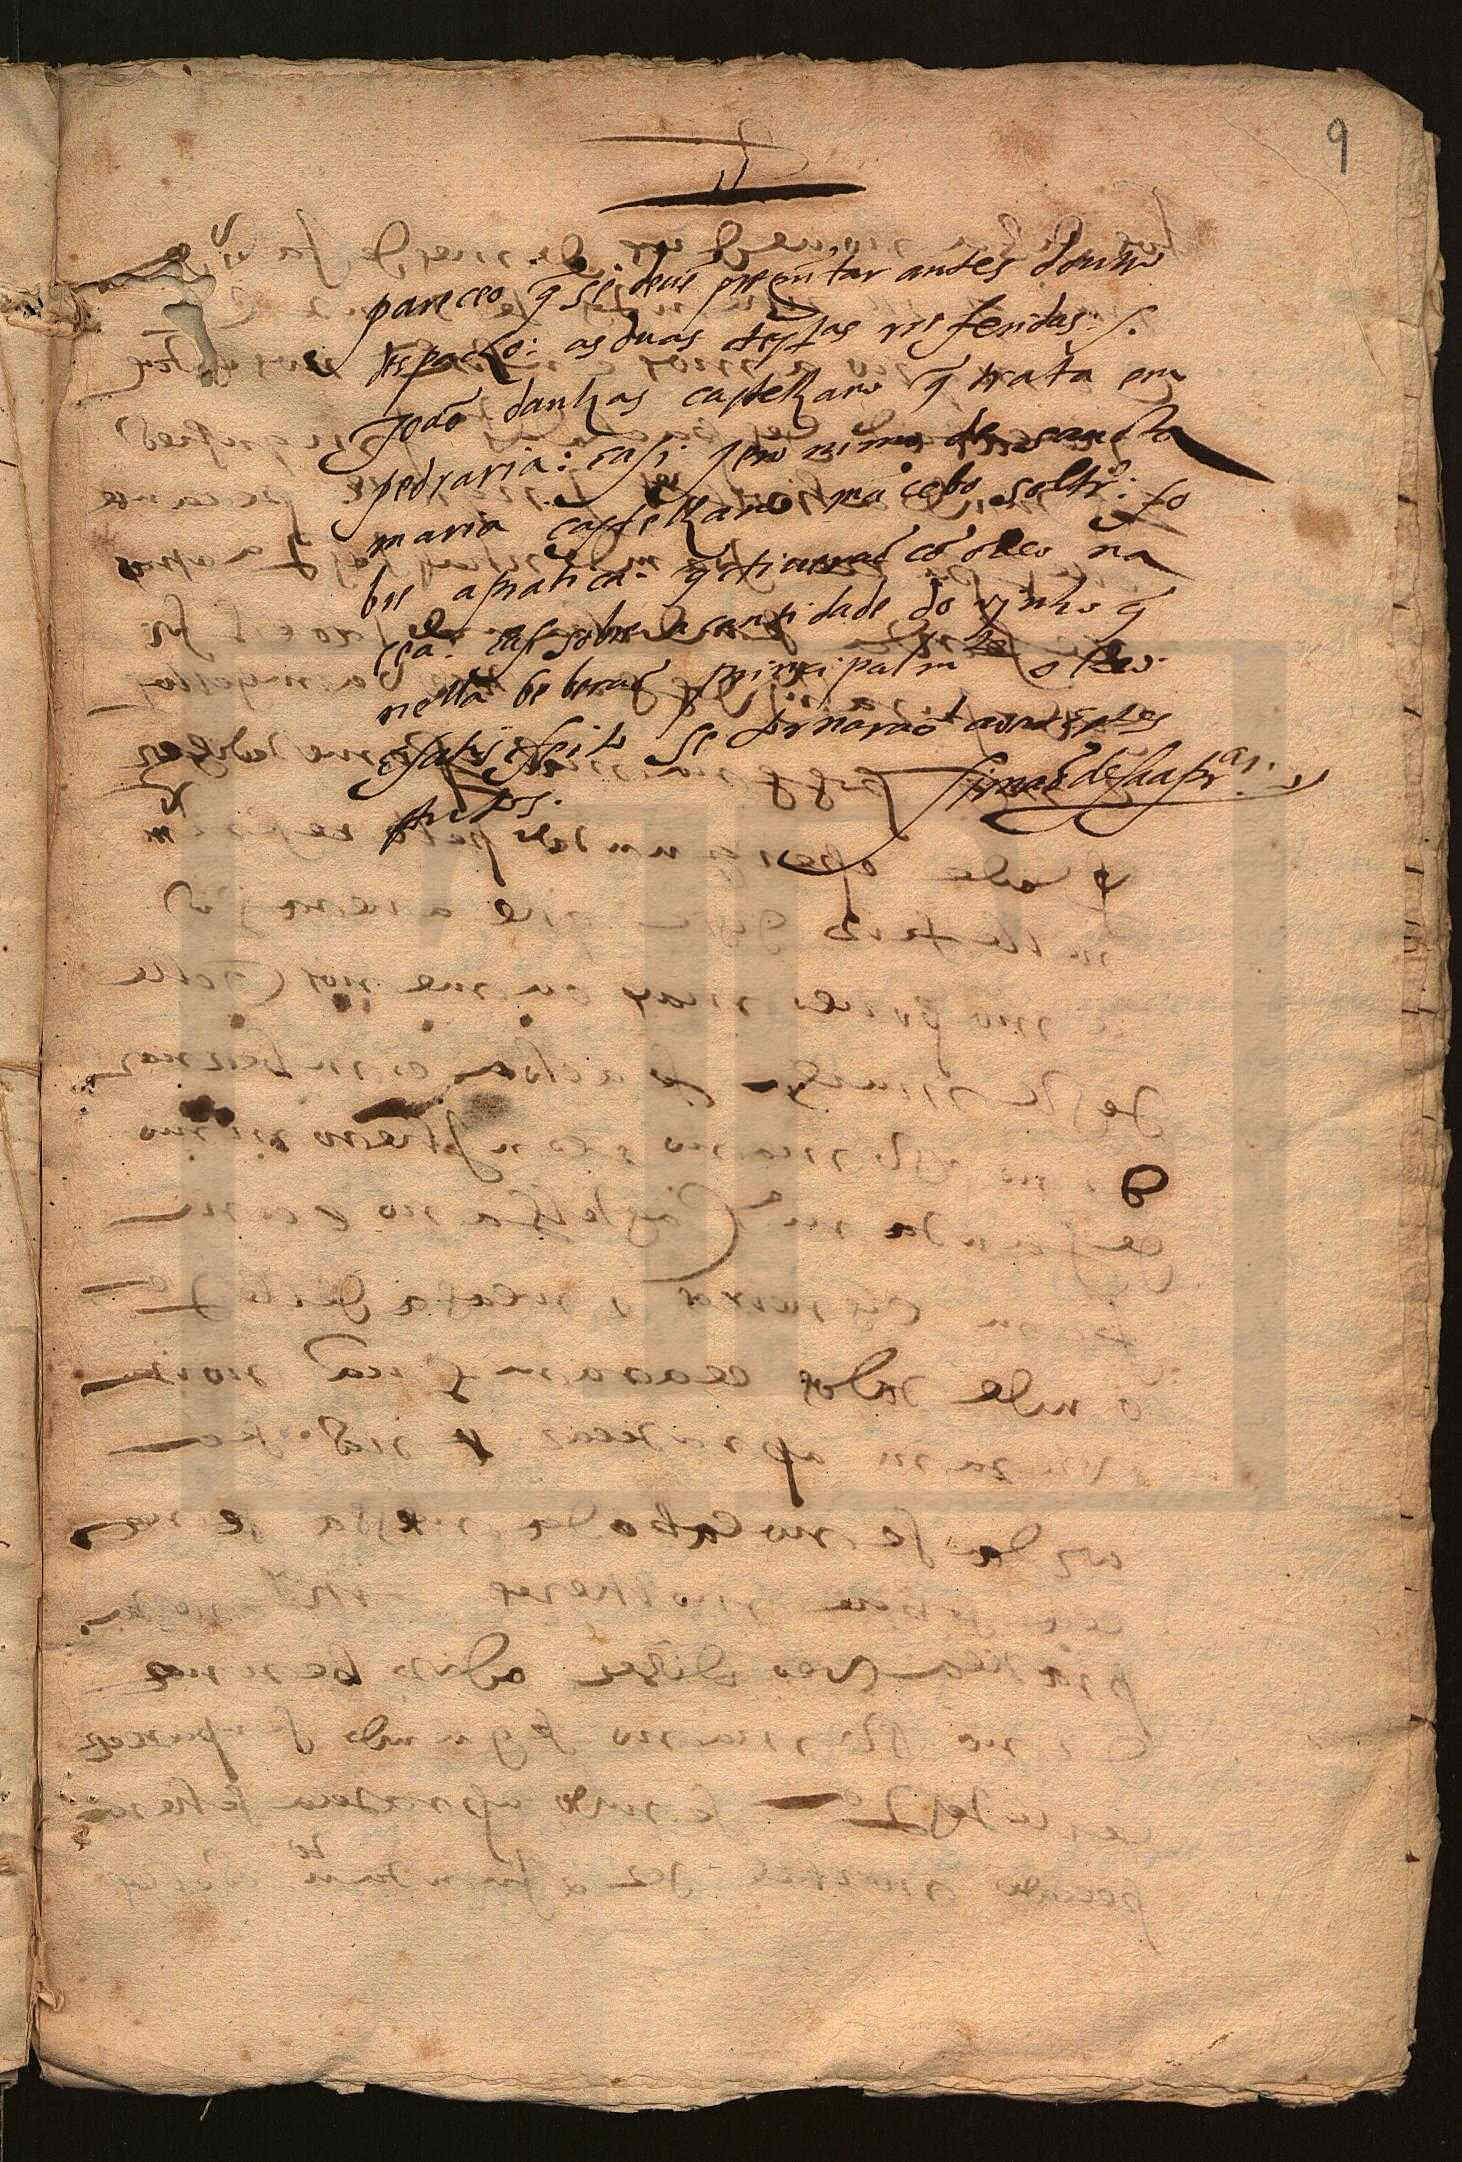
pareceo q̄ se deuē pregūtar antes doutro
despacho as duas testas rreferidas:
João danhas castelhano q̄ trata em
pedraria: E asi Jeronimo de sancta
maria castelhano mācebo soltro so
bre a pratica q̄ tiueraõ cō o Reo na
cea E asi sobre a cantidade do vjnho q̄
nella beberaõ principalmte o Reo
E satisfeito se tornaraõ a uer Estes
Autos
Simaõ de Saa pra.
